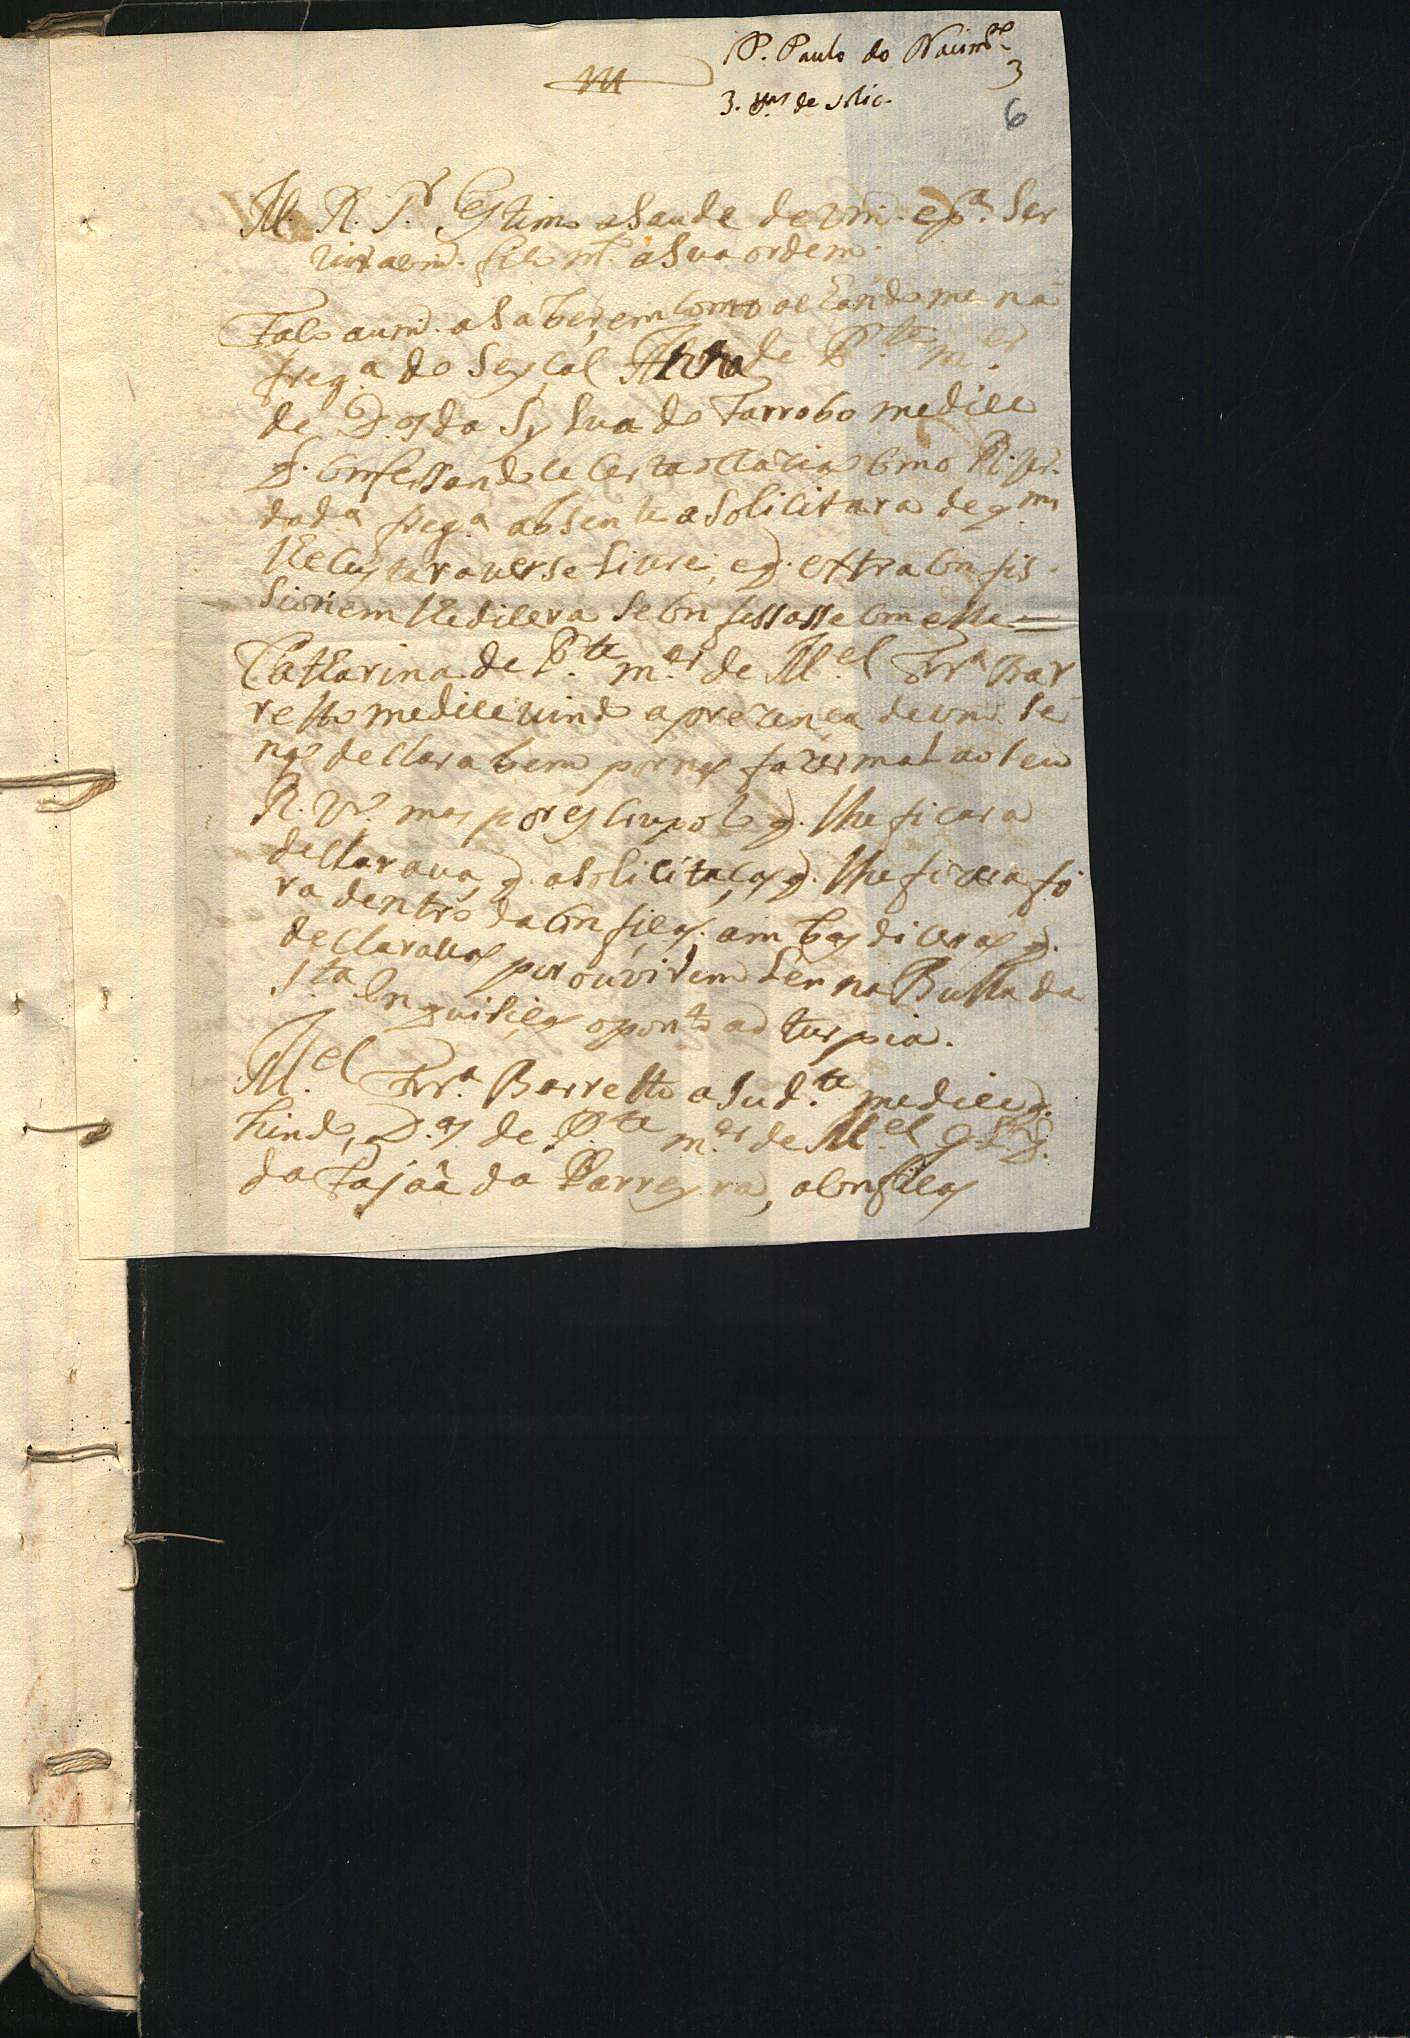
o P. Paulo do Nacim.to
3. tt.as de solic.
3
M. R. s.r Estimo a saude de v m. e p.a ser
vir a vm. fico m.to a sua ordem
Faço a u m. a saber, em como achandome na
freg.a do Seyçal Anna de P.te m.er
de D.os da Sylva do Farrobo me dice
q̄. confessandoce certa occaziaꝭ com o R. vr.
da d.a freg.a absente a solicitara de q.m
lhe custara verse livre; e q̄ extra confis
sionem lhe dicera se confessasse com elle
Catharina de Pt.e m.er de M.el Frr.a Bar
retto me dice uindo a prezença de vm se
naꝭ declara bem por naꝭ fazer mal ao seu
R. Vr. mas por escrupolo q̄. lhe ficara
declaraua, q̄ a solicitaçaõ q̄ lhe fizera fo
ra dentro da confiçaꝭ. ambas diceraꝭ q̄.
declarauaꝭ por ouvirem Ler na Bulla da
s.ta enquisiçaꝭ o ponto ad turpia.
M.el Frr.a Barretto a Iud.te me dice q̄.
hindo, D.as de P.te m.er de M.el gLz̄.
da Fajaâ da Parreyra, a confiçaꝭ
